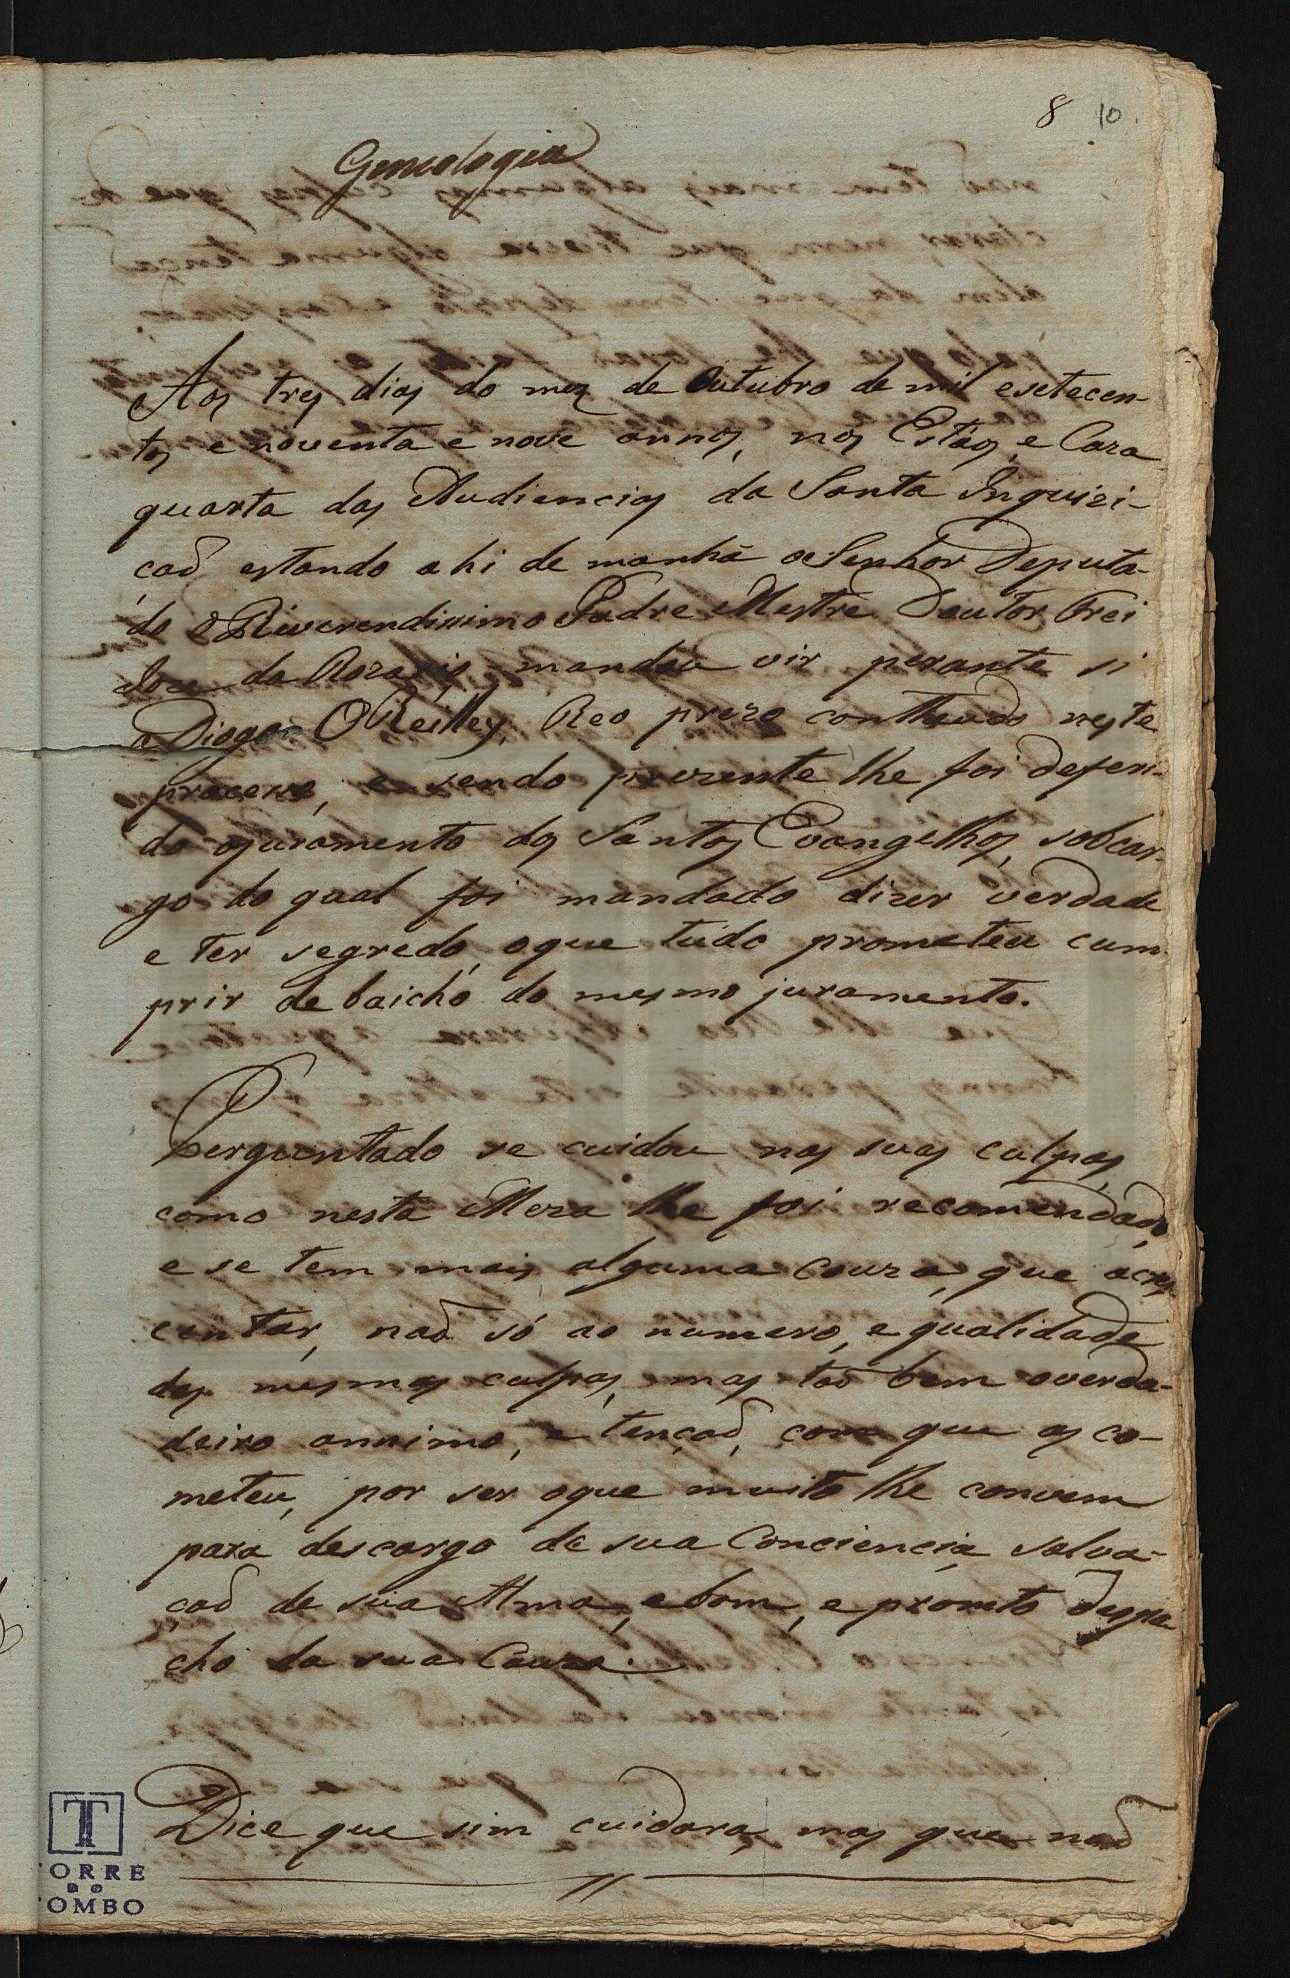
8
Geneologia
Aos tres dias do mez de Outubro de mil e setecen
tos e noventa e nove annos, nos Estáos e Caza
quarta das Audiencias da Santa Inquizi
çaõ estando ahi de manhã o Senhor Deputa
do o Reverendissimo Padre Mestre Doutor Frei
Ioze do Rozario mandou vir perante si
a Diogo OReiley, Reo prezo contheudo neste
processo, e sendo prezente lhe foi deferi
do o juramento dos Santos Evangelhos, sobcar
go do qual foi mandado dizer verdade
e ter segredo, o que tudo prometeu cum
prir debaicho do mesmo juramento.
Perguntado se cuidou nas suas culpas
como nesta Meza lhe foi recomendado,
e se tem mais alguma couza, que acre
centar, naõ só ao numero, e qualidade
das mesmas culpas, mas taõbem o verda
deiro annimo, e tençaõ, com que as co
meteu, por ser o que muito lhe convem
para descargo de sua conciencia, salva
çaõ de sua Alma, e bom e promto despa
cho da sua Cauza.
Dice que sim cuidara mas que naõ
